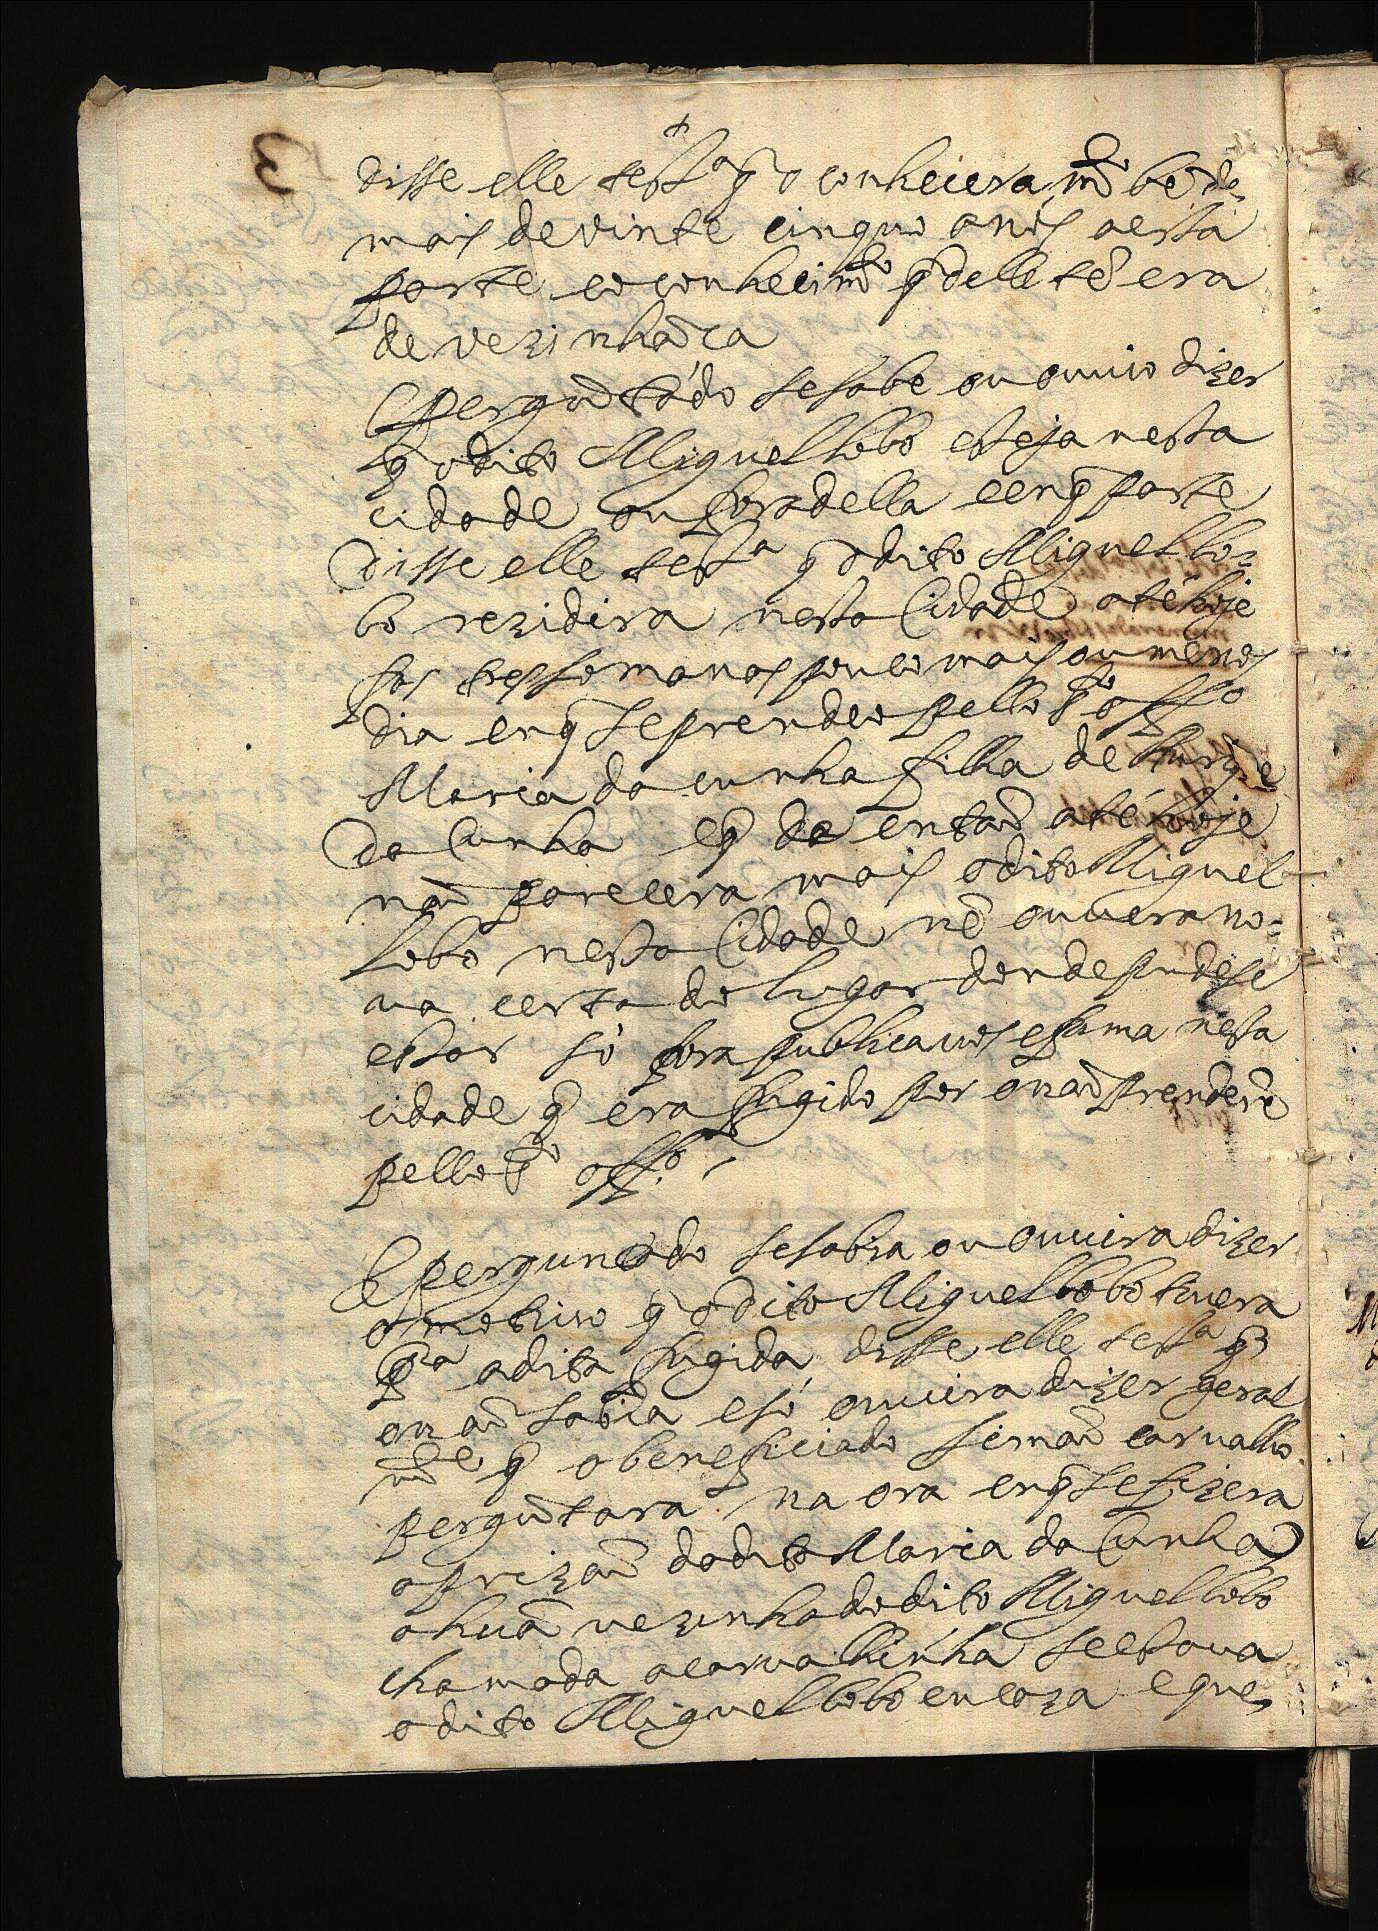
disse elle testa q̄ o conhecera mto bē de
mais de vinte cinquo anos a esta
parte e o conhecimto q̄ delle tē era
de vezinhāça
e pergūtado se sabe ou ouuio dizer
q̄ o dito Miguel lobo esteja nesta
cidade ou fora della e en q̄ parte
disse elle testa q̄ o dito MigueL lo
bo rezidira nesta Cidade até hoje
fas tres somanas pouco mais ou menos
dia en q̄ se prendeo pello sto offo
Maria da cunha filha de Anri_e
da Cunha e q̄ de entaõ até hoje
não parecera mais o dito Miguel
Lobo nesta Cidade nē ouuera no
ua certa do lugar donde pudese
estar sò fora publica uos e fama nesta
cidade q̄ era fugido por o naõ prenderē
pello sto off.o.
E perguntado se sabia ou ouuira dizer
o motiuo q̄ o dito Miguel lobo tiuera
pra a dita fugida disse elle testa q̄
o naõ sabia e só ouuira dizer geral
mte q̄ o beneficiado simaõ carualho
perguntara na ora en q̄ se fizera
a prizaõ da dita Maria da Cunha
a huā uezinha do dito Miguel lobo
chamada a carualhinha se estaua
o dito Miguel lobo en caza e que
